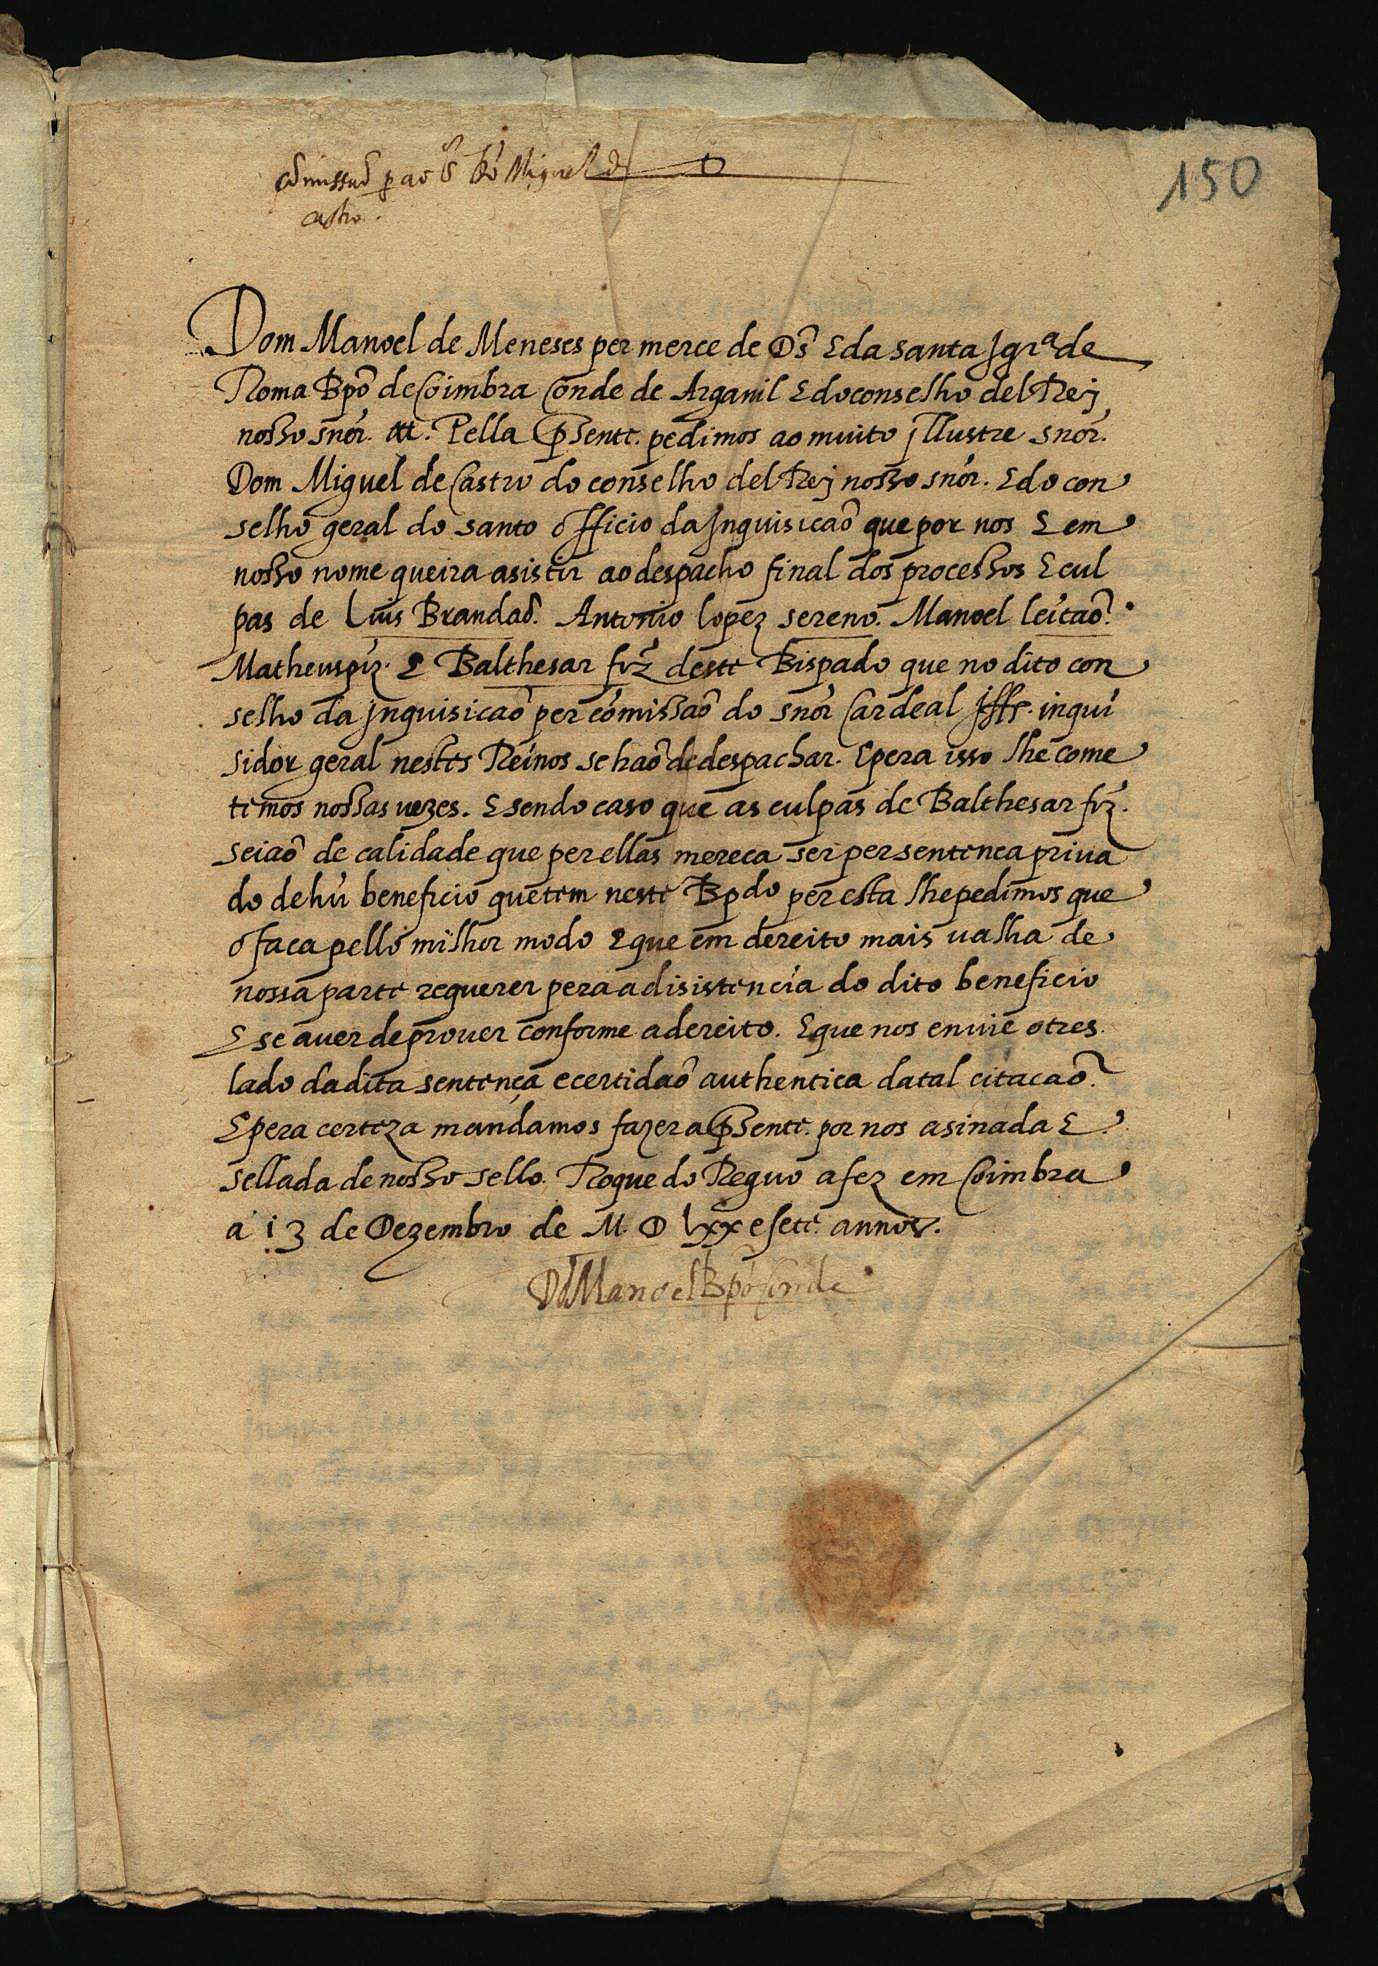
cōmissaõ ꝑa o sor Dō Miguel de
castro
Dom Manoel de Meneses per merce de Ds̄ E da santa Jgra de
Roma Bpō de Coimbra Conde de Arganil E do conselho del Rey
nosso snor̄. ett. Pella p̄sente pedimos ao muito jllustre snor̄
Dom Miguel de Castro do conselho del Rey nosso snōr. E do con
selho geral do santo officio da Jnquisiçaõ que por nos E em
nosso nome queira asistir ao despacho final dos processos E cul
pas de Luis Brandaõ. Antonio lopez sereno. Manoel leitaõ
Matheus pīz. E Balthesar frz̄ deste Bispado que no dito con
selho da jnquisicaõ per cōmissaõ do snor̄ Cardeal Jffꝭ. inqui
sidor geral nestes Reinos se haõ de despachar. E pera isso lhe come
temos nossas uezes. E sendo caso que as culpas de Balthesar frz̄
seiaõ de calidade que per ellas mereca ser per sentença priua
do de hū beneficio que tem neste Bpdo per esta lhe pedimos que
o faça pello milhor modo E que em dereito mais ualha de
nossa parte requerer pera a disistencia do dito beneficio
E se auer de prouer conforme a dereito. E que nos enuie o tres
lado da dita sentença e certidaõ authentica da tal citaçaõ.
E pera certeza mandamos fazer a p̄sente por nos asinada E
sellada de nosso sello. Roque do Reguo a fez em Coimbra
a i3 de Dezembro de M. D lxx e sete annos.
Dō Manoel Bpō Conde
